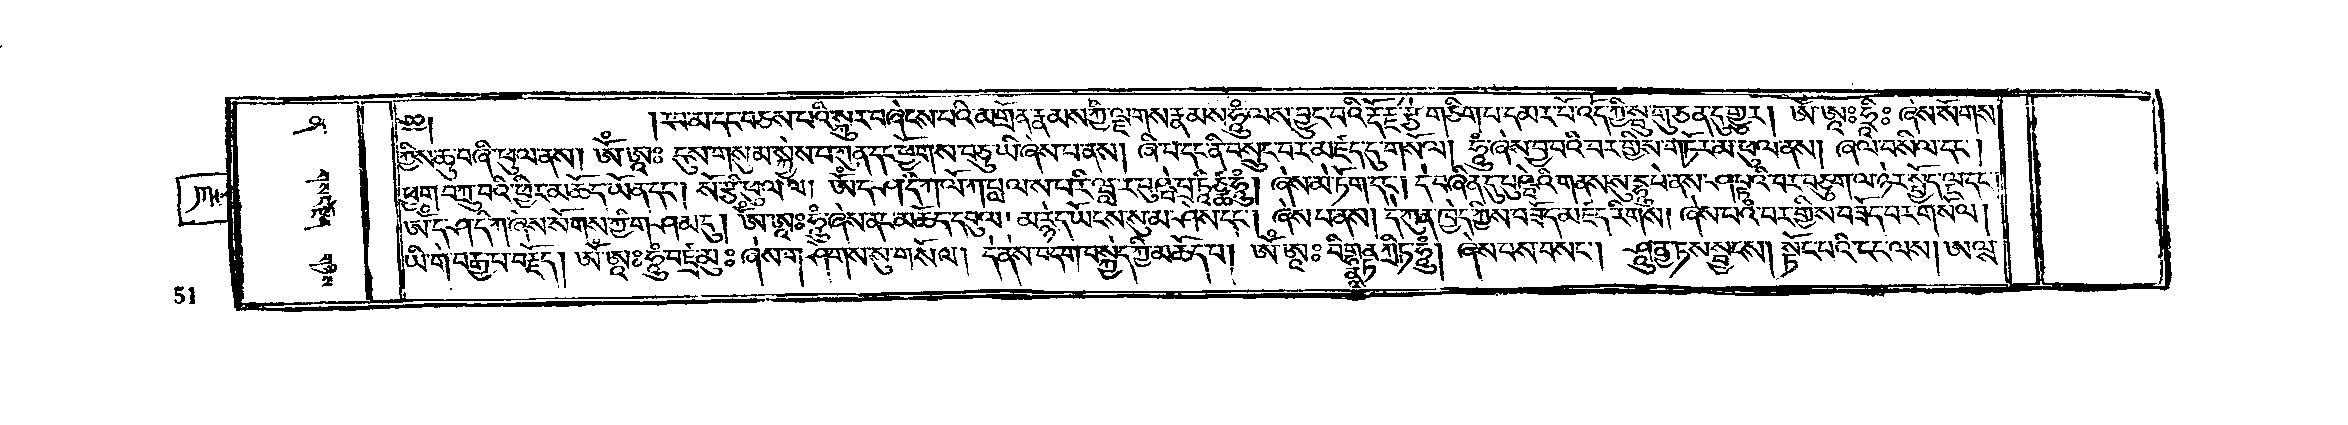༄༅། །རབ་མ་དང་བཅས་པའི་སྐུར་བཞེངས་པའི་མགྲོན་རྣམས་ཀྱི་ལྗགས་རྣམས་ཧཱུཾ་ལས་བྱུང་བའི་རྡོ་རྗེ་རྩེ་གཅིག་པ་དམར་པོ་འོད་ཀྱི་སྦུ་གུ་ཅན་དུ་གྱུར། ཨོཾ་ཨཱཿ ཧྲཱིཿ ཞེས་སོགས་ཀྱིས་ཆུ་བཞི་ཕུལ་ནས། ཨོཾ་ཨཱཿ དུས་གསུམ་སྐྱེས་པ་ཀུན་དང་ཕྱོགས་བཅུ་ཡི་ཞེས་པ་ནས། ཞི་བ་དང་ནི་བསྲུང་བར་མཛད་དུ་གསོལ། ཧཱུཾ་ཞེས་བྱ་བའི་བར་གྱིས་གཏོར་མ་ཕུལ་ནས། ཞལ་བསིལ་དང་།
ཕྱག་བཀྲུ་བའི་ཕྱིར་མཆོད་ཡོན་དང་། སོ་རྩི་ཕུལ་ལ། ཨོཾ་ད་ཤ་དི་ཀ་ལོ་ཀ་པཱ་ལ་ས་པ་རི་ཝཱ་ར་པུ་ཥྦེ་པྲ་ཏཱི་ཙྪ་ཧཱུཾ། ཞེས་མེ་ཏོག་དང་། དེ་བཞིན་དུ་པུཥྤེའི་གནས་སུ་དྷཱུ་པེ་ནས་ཤཔྟའི་བར་བཅུག་ལ་ཉེར་སྤྱོད་ལྔ་དང་།
ཨོཾ་ད་ཤ་དི་ཀ་ཞེས་སོགས་ཀྱི་གཤམ་དུ། ཨོཾ་ཨཱཿ ཧཱུཾ་ཞེས་ནང་མཆོད་དབུལ། མ་རྙེད་ཡོངས་སུ་མ་ཤེས་དང་། ཞེས་པ་ནས། དེ་ཀུན་ཁྱེད་ཀྱིས་བཟོད་མཛད་རིགས། ཞེས་པའི་བར་གྱིས་བཟོད་པར་གསོལ།
ཡི་གེ་བརྒྱ་པ་བརྗོད། ཨོཾ་ཨཱཿ ཧཱུཾ་བཛྲ་མུཿ ཞེས་གཤེགས་སུ་གསོལ། དེ་ནས་བདག་བསྐྱེད་ཀྱི་མཆོད་པ། ཨོཾ་ཨཱཿ བིགྷྣཱ་ནྟ་ཀྲིཏ་ཧཱུཾ། ཞེས་པས་བསང་། ཤཱུ་ནྱ་ཏས་སྦྱངས། སྟོང་པའི་ངང་ལས། ཨ་ལས་